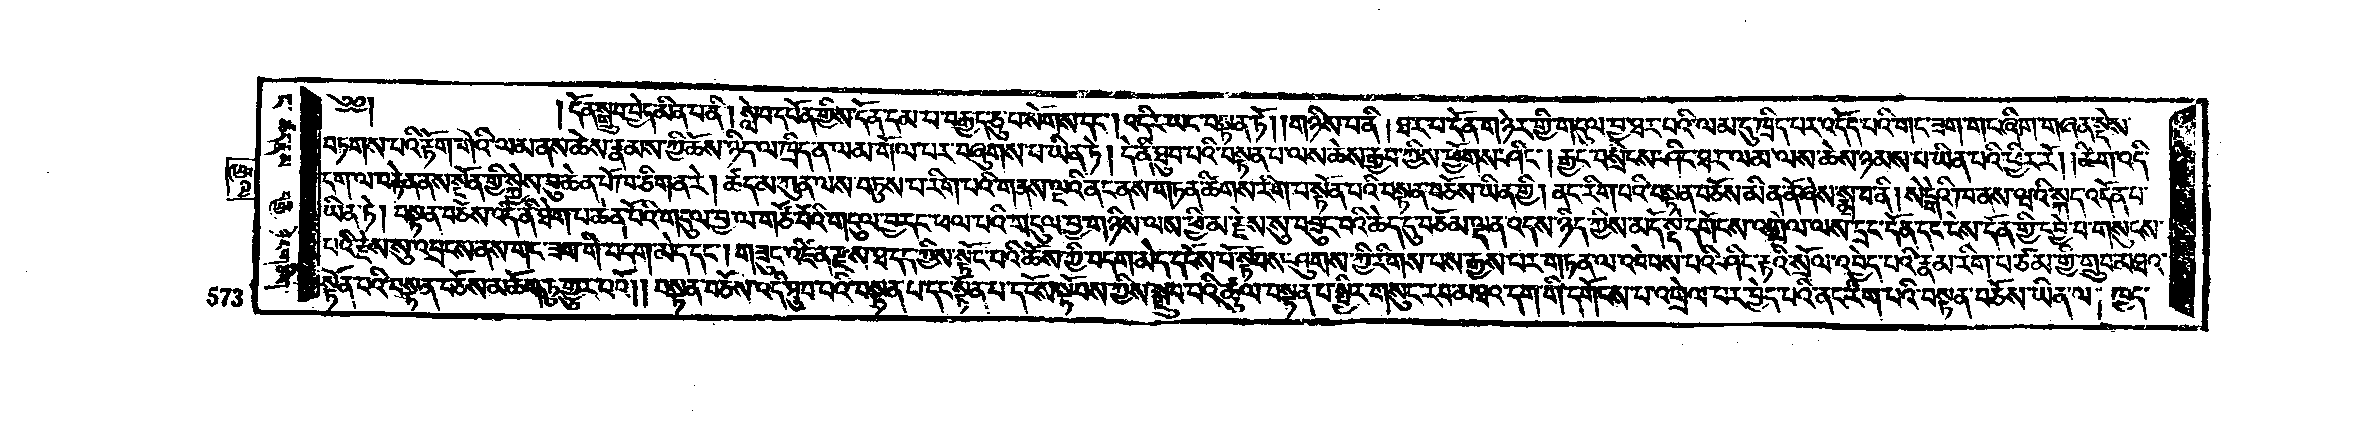༄༅། །དོན་སྒྲུབ་བྱེད་མིན་པ་ནི། སློབ་དཔོན་གྱིས་དོན་དམ་པ་བརྒྱད་ཅུ་པ་སོགས་དང་། འདིར་ཡང་བསྟན་ཏོ། །གཉིས་པ་ནི། ཐར་པ་དོན་གཉེར་གྱི་གདུལ་བྱ་ཐར་པའི་ལམ་དུ་ཁྲིད་པར་འདོད་པའི་གང་ཟག་གང་ཞིག་གཞན་སྡེས་
བཏགས་པའི་རྟོག་གེའི་ལམ་ནས་ཆེས་རྣམས་ཀྱི་ཆོས་ཉིད་ལ་ཁྲིད་ན་ལམ་གོལ་པར་བཞུགས་པ་ཡི། དེ་ནི་ཐུབ་པའི་བསྟན་པ་ལས་ཆེས་རྒྱབ་ཀྱིས་ཕྱོགས་ཤིང་། རྒྱང་བསྲིངས་ཤིང་ཐར་ལམ་ལས་ཆེས་ཉམས་པ་ཡིན་པའི་ཕྱིར་རོ། །ཚིག་འདི་
དག་ལ་བརྟེན་ནས་སྔོན་གྱི་སྐྱེས་བུ་ཆེན་པོ་ཁ་ཅིག་ན་རེ། ཚད་མ་ཀུན་ལས་བཏུས་པ་རིག་པའི་གནས་ལྔའི་ནང་ནས་གཏན་ཚིགས་རིག་པ་སྟོན་པོའི་བསྟན་བཅོས་ཡིན་གྱི་།ནང་རིག་པའི་བསྟན་བཅོས་མིན་ནོ་ཞེས་སྨྲ་བ་ནི། སེངགེའི་ཁ་ནས་ཝའི་སྐད་འདོན་པ་
ཡིན་ཏེ། བསྟན་བཅོས་འདི་ནི་ཐེག་པ་ཆེན་པོའི་གདུལ་བྱ་ལ་གཙོ་བོའི་གདུལ་བྱ་དང་ཕལ་པའི་གདུལ་བྱ་གཉིས་ལས་ཕྱི་མ་རྗེས་སུ་བཟུང་བའི་ཆེད་དུ་བཅོམ་ལྡན་འདས་ཉིད་ཀྱིས་མདོ་སྡེ་དགོངས་འགྲེལ་ལས་དྲང་དོན་དང་ངེས་དོན་གྱི་དབྱེ་བ་གསུངས་
པའི་རྗེས་སུ་འབྲངས་ནས་གང་ཟག་གི་བདག་མེད་དང་། གཟུང་འཛིན་རྫས་ཐ་དད་ཀྱིས་སྟོང་པའི་ཆོས་ཀྱི་བདག་མེད་དངོས་པོ་སྟོབས་ཤུགས་ཀྱི་རིགས་པས་རྒྱས་པར་གཏན་ལ་འབེབས་པའི་ཤིང་རྟའི་སྲོལ་འབྱེད་པའི་རྣམ་རིག་པ་ཙམ་གྱི་གྲུབ་མཐའ་
སྟོན་པའི་བསྟན་བཅོས་མཆོད་ཏུ་གྱུར་པའོ། །བསྟན་བཅོས་འདི་ཐུབ་པའི་བསྟན་པ་དང་སྟོན་པ་དང་སྟོན་པ་དངོས་སྟོབས་ཀྱིས་སྒྲུབ་པའི་ཚུལ་བསྟན་པ་སྤྱིར་གསུང་རབ་མཐའ་དག་གི་དགོངས་པ་འགྲེལ་པར་བྱེད་པའི་ནང་རིག་པའི་བསྟན་བཅོས་ཡིན་ལ། ཁྱད་